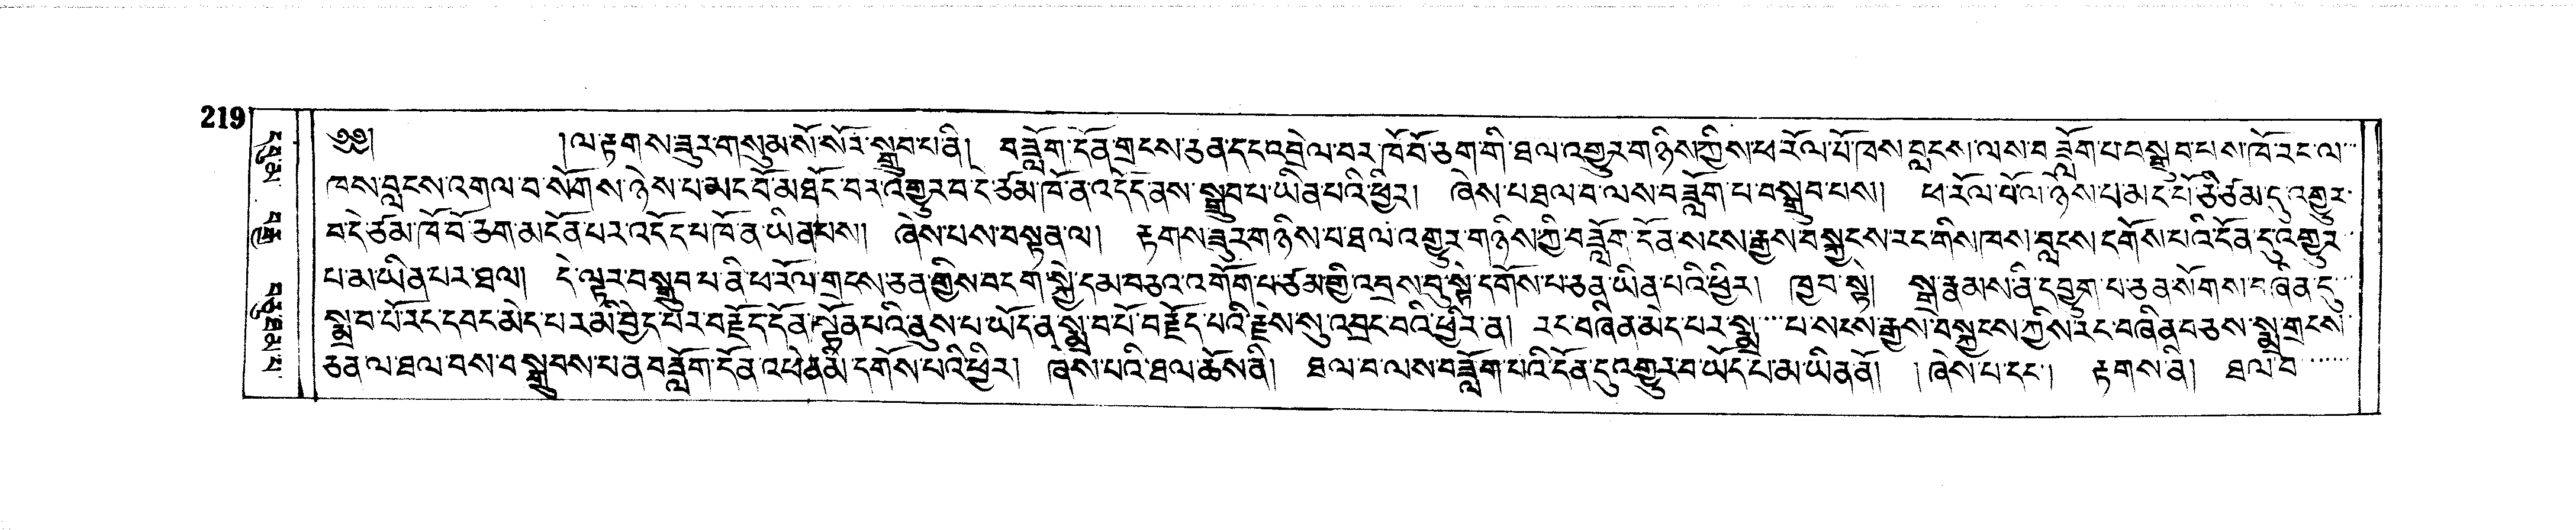༄༅། །ལ་རྟགས་ཟུར་གསུམ་སོ་སོར་སྒྲུབ་པ་ནི། བཟློག་དོན་གྲངས་ཅན་དང་འབྲེལ་བར་ཁོ་བོ་ཅག་གི་ཐལ་འགྱུར་གཉིས་ཀྱིས་ཕ་རོལ་པོ་ཁས་བླངས་ལས་བཟློག་པ་བསྒྲུབ་པས་ཁོ་རང་ལ་
ཁས་བླངས་འགལ་བ་སོགས་ཉེས་པ་མང་བོ་མཐོང་བར་འགྱུར་བ་དེ་ཙམ་ཁོ་ན་འདོད་ནས་སྒྲུབ་པ་ཡིན་པའི་ཕྱིར། ཞེས་པ་ཐལ་བ་ལས་བཟློག་པ་བསྒྲུབ་པས། ཕ་རོལ་པོ་ལ་ཉེས་པ་མང་པོ་ཅི་ཙམ་དུ་འགྱུར་
བ་དེ་ཙམ་ཁོ་བོ་ཅག་མངོན་པར་འདོད་པ་ཁོ་ན་ཡིན་པས། ཞེས་པས་བསྟན་ལ། རྟགས་ཟུར་གཉིས་པ་ཐལ་འགྱུར་གཉིས་ཀྱི་བཟློག་དོན་སངས་རྒྱས་བསྐྱངས་རང་གིས་ཁས་བླངས་དགོས་པའི་དོན་དུ་འགྱུར་
པ་མ་ཡིན་པར་ཐལ། དེ་ལྟར་བསྒྲུབ་པ་ནི་ཕ་རོལ་གྲངས་ཅན་གྱིས་བདག་སྐྱེ་དམ་བཅའ་འགོག་པ་ཙམ་གྱི་འབྲས་བུ་སྟེ་དགོས་པ་ཅན་ཡིན་པའི་ཕྱིར། ཁྱབ་སྟེ། སྒྲ་རྣམས་ནི་དབྱུག་པ་ཅན་སོགས་བཞིན་དུ་
སྨྲ་བ་པོ་རང་དབང་མེད་པར་མི་བྱེད་པར་བརྗོད་དོན་སྟོན་པའི་ནུས་པ་ཡོད་ན་སྨྲ་བ་པོ་བརྗོད་པའི་རྗེས་སུ་འབྲང་བའི་ཕྱིར་ན། རང་བཞིན་མེད་པར་སྨྲ་པ་སངས་རྒྱས་བསྐྱངས་ཀྱིས་རང་བཞིན་བཅས་སྨྲ་གྲངས་
ཅན་ལ་ཐལ་བས་བསྒྲུབས་པ་ན་བཟློག་དོན་འཕེན་མི་དགོས་པའི་ཕྱིར། ཞེས་པའི་ཐལ་ཆོས་ནི། ཐལ་བ་ལས་བཟློག་པའི་དོན་དུ་འགྱུར་པ་ཡོད་པ་མ་ཡིན་ནོ། །ཞེས་པ་དང་། རྟགས་ནི། ཐལ་བ་